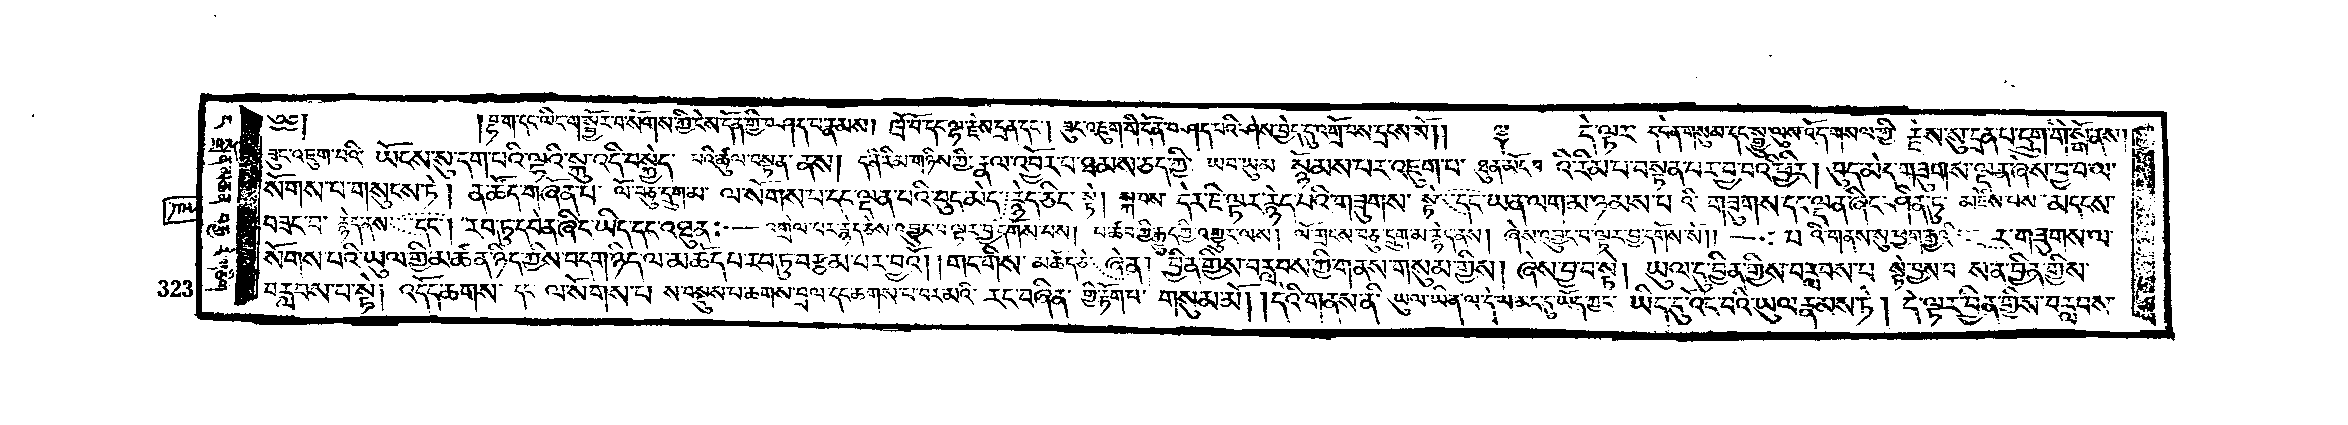༄༅། ། བྷ་ག་དང་ལིང་ག་སྦྱོར་བ་སོགས་ཀྱི་ངེས་དོན་གྱི་བཤད་པ་རྣམས། ཁྲོ་བོ་དང་ལྷ་རྗེས་དྲན་དང་། ཟུང་འཇུག་གི་དོན་བཤད་པའི་ཤེས་བྱེད་དུ་འགྲོ་བས་དྲངས་སོ།།  ༈ དེ་ལྟར་དབེན་གསུམ་དང་སྒྱུ་ལུས་འོད་གསལ་གྱི་རྗེས་སུ་དྲན་པ་དྲུག་གི་སྒོ་ནས།
ཟུང་འཇུག་པའི་ཡོངས་སུ་དག་པའི་ལྷའི་སྐུ་འདི་བསྐྱེད་པའི་ཚུལ་བསྟན་ནས། དེ་ནི་རིམ་གཉིས་ཀྱི་རྣལ་འབྱོར་པ་ཐམས་ཅད་ཀྱི་ཡབ་ཡུམ་སྙོམས་པར་འཇུག་པ་ཐུན་མོང་བའི་རིམ་པ་བསྟན་པར་བྱ་བའི་ཕྱིར། བུད་མེད་གཟུགས་ལྡན་ཞེས་བྱ་བ་ལ་
སོགས་པ་གསུངས་ཏེ། ན་ཚོད་གཞོན་པ་ལོ་བཅུ་དྲུག་མ་ལ་སོགས་པ་དང་ལྡན་པའི་བུད་མེད་རྙེད་ཅིང་སྟེ། སྐབས་དེར་ཇི་ལྟར་རྙེད་པའི་གཟུགས་སྟེ་དང་ཡན་ལག་མ་ཉམས་པའི་གཟུགས་དང་ལྡན་ཞིང་ཤིན་ཏུ་མཛེས་པས་མདངས་
བཟང་བ་རྙེད་ནས་དང་། རབ་ཏུ་དབེན་ཞིང་ཡིད་དང་འཐུན་H.་འགྲེལ་པར་རྙེད་ཅེས་འབྱུང་བ་ལྟར་བྱ་དགོས་པས། པ་ཚབ་ཀྱི་རྒྱུད་ཀྱི་འགྱུར་ལས། ལོ་གྲངས་བཅུ་དྲུག་མ་རྙེད་ནས། ཞེས་འབྱུང་བ་ལྟར་བྱ་དགོས་སོ།།  .H པའི་གནས་སུ་ཕྱག་རྒྱའི་ར་གཟུགས་ལ་
སོགས་པའི་ཡུལ་གྱི་མཚན་ཉིད་ཀྱིས་བདག་ཉིད་ལ་མཆོད་པ་རབ་ཏུ་བརྩམ་པར་བྱའོ། །གང་གིས་མཆོད་ཅེ་ཞེ་ན། བྱིན་གྱིས་བརླབས་ཀྱི་གནས་གསུམ་གྱིས། ཞེས་བྱ་བ་སྟེ། ཡུལ་དུ་བྱིན་གྱིས་བརླབས་པ་སྟེ་བྱས་པས་ན་བྱིན་གྱིས་
བརླབས་པ་སྟེ། འདོད་ཆགས་དང་ལ་སོགས་པས་བསྡུས་པ་ཆགས་བྲལ་དང་ཆགས་པ་བར་མའི་རང་བཞིན་གྱི་རྟོག་པ་གསུམ་མོ། །དེའི་གནས་ནི་ཡུལ་ཡིན་ལ་དེ་ལ་མང་དུ་ཡོད་ཀྱང་ཡིད་དུ་འོང་བའི་ཡུལ་རྣམས་ཏེ། དེ་ལྟར་བྱིན་གྱིས་བརླབས་